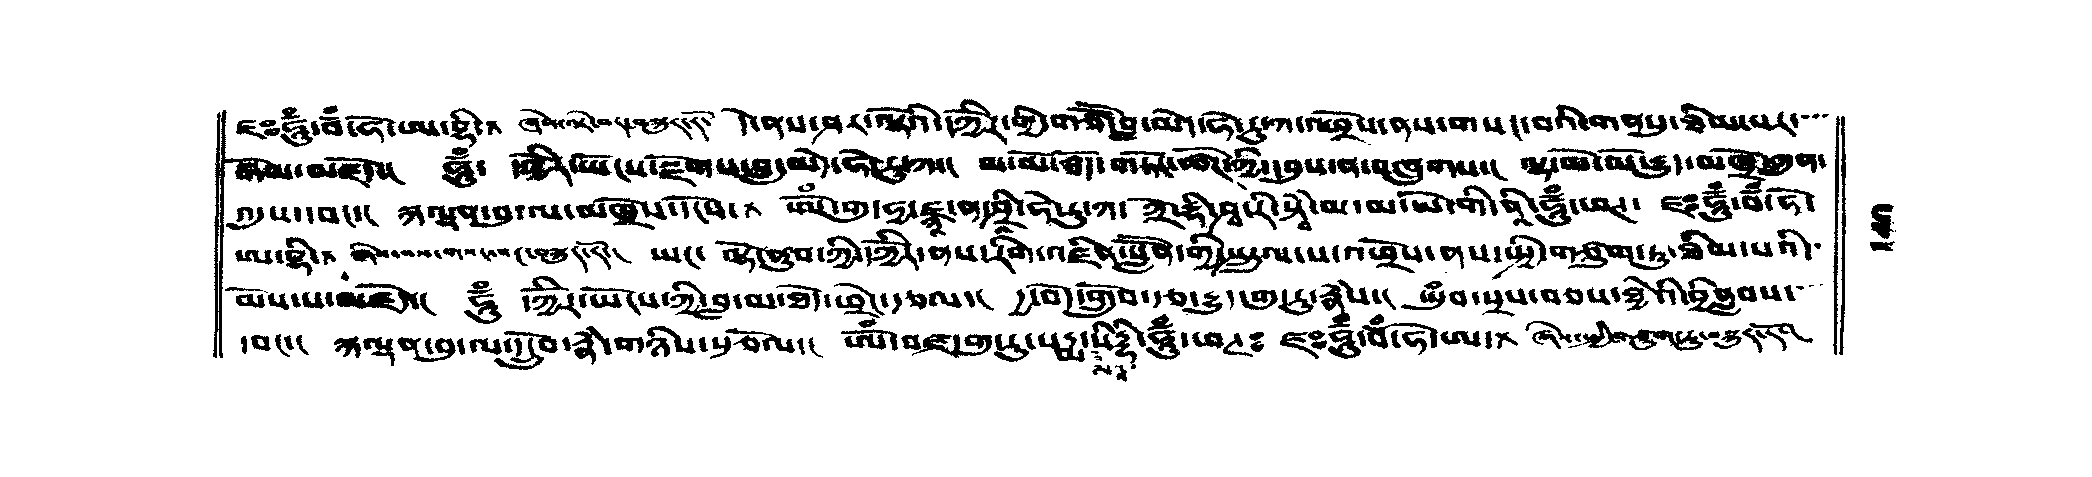ཛཿཧཱུྃ་བྃ་ཧོ་ཨ་བྷི༴ ཞེས་ལྟེ་བར་བསྐུར་རོ། དེ་ནས་ཤར་ལྷོའི་དཀྱིལ་འཁོར་གྱི་གཙོ་བོ་བླ་མེད་ཧེ་རུ་ཀ་འཕྲོས་ནས་གསང་བའི་གནས་སུ་ཐིམ་པར་
སྒོམ་མཛོད། ཧཱུྃ། དཀྱིལ་འཁོར་ཡོངས་རྫོགས་བླ་མེད་ཧེ་རུ་ཀ མ་མོ་ཐོད་གཏོང་ཚོགས་ཀྱི་དབུས་ན་བཞུགས། ལྷ་མོ་མོ་རྒྱུད་མཁའ་འགྲོ་ཀུན་
འདུས་དབང་། སྐལ་ལྡན་བུ་ལ་མཁའ་འགྲོ་དངོས༴ ཨོཾ་གུད་ཧྱ་ཛྙཱ་ན་ཤྲཱི་ཧེ་རུ་ཀ ཀྲོ་དྷི་ཤྭ་རི་སྟྭམ་མ་མ་ཡེ་གི་ནཱ་ཧཱུྃ་ཕཊ། ཛཿཧཱུྃ་བྃ་ཧོ། 
ཨ་བྷི༴ ཞེས་བས་གསང་བར་བསྐུར་རོ། ཡང་། ལྷོ་ནུབ་ཀྱི་དཀྱིལ་འཁོར་ནས་རིག་འཛིན་སློབ་དཔོན་གྱི་སྤྲུལ་པ་འཕྲོས་ནས་སྤྱི་གཙུག་ཏུ་ཐིམ་པའི་
མོས་པ་མཛོད། ཧཱུྃ། དཀྱིལ་འཁོར་ཡོངས་ཀྱི་བླ་མ་ཐོད་ཕྲེངརྩལ། རྒྱ་བོད་གྲུབ་ཐོབ་རྩ་རྒྱུད་གུ་རུ་རྣམས། ཡབ་ཡུམ་སྲས་བཅས་ཐུགས་རྗེའི་བྱིན་རླབས་
དབང་། སྐལ་ལྡན་བུ་ལ་དངོས་གྲུབ་རྣམ་གཉིས་སྩོལ། ཨོཾ་བཛྲ་གུ་རུ་པདྨ་སརྦ་སིདྡྷི་ཧཱུྃ་ཕཊ༔ ཛཿཧཱུྃ་བྃ་ཧོ་ཨ༴ ཞེས་སྤྱི་གཅུག་ཏུ་བསྐུར་རོ།